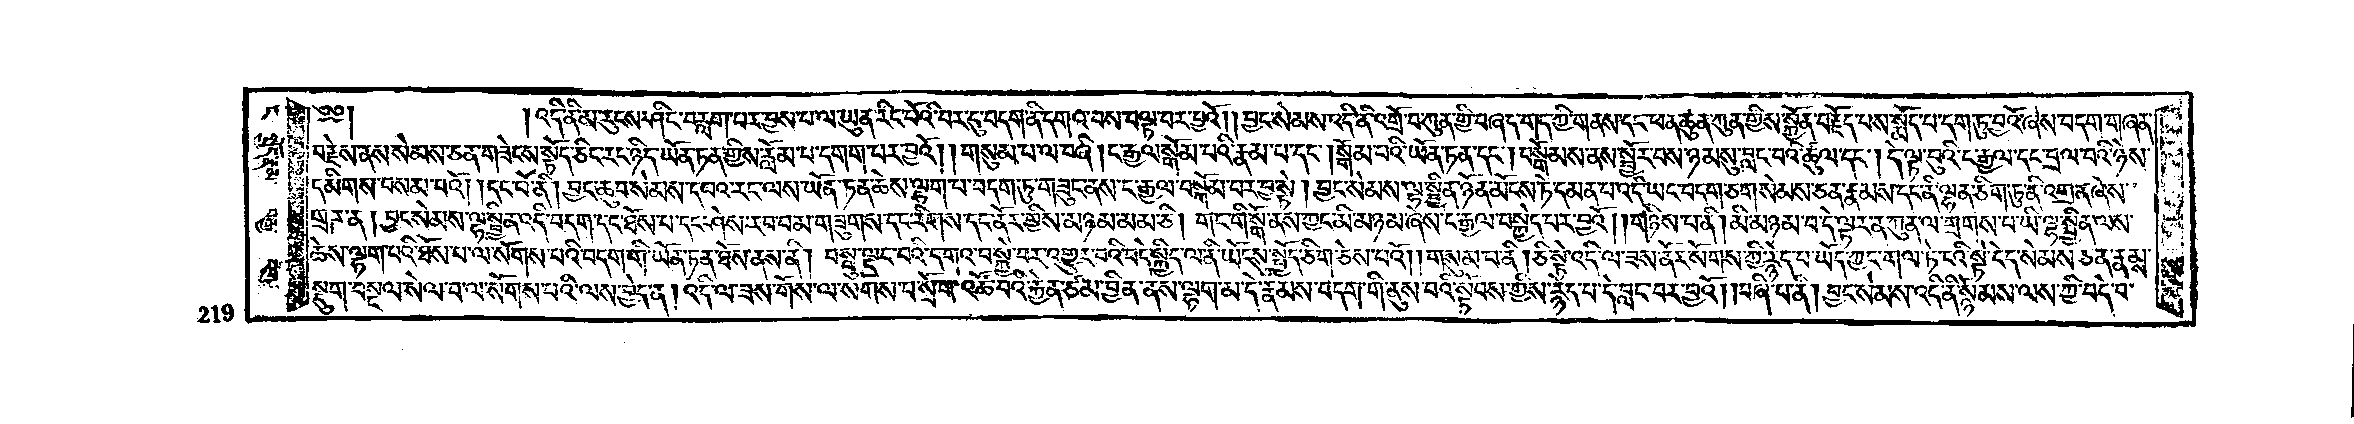༄༅། །འདི་ནི་མ་རུངྶྴིང་བརླག་པར་བྱས་པ་ལ་ཡུན་རིང་པོའི་བར་དུ་བདག་ནི་དགའ་བས་བལྟ་བར་བྱའོ། །བྱང་སེམས་འདི་ནི་འགྲོ་བ་ཀུན་གྱི་བཞདྡག་ཀྱི་གནས་དང་ཕན་ཚུན་ཀུན་གྱིས་སྐྱོན་བརྗོད་པས་སྨོད་པ་དག་ཏུ་བྱའོ་ཞེས་བདག་གཞན་
བརྗེས་ནས་སེམས་ཅན་གཟེངྶྶྟོད་ཅིང་རང་ཉིད་ཡོན་ཏན་གྱིས་རློམ་པ་དགག་པར་བྱའོ། །གསུམ་པ་ལ་བཞི། ང་རྒྱལ་སྒོམ་པའི་རྣམ་པ་དང་། སྒོམ་པའི་ཡོན་ཏན་དང་། བསྒོམས་ནས་སྦྱོར་བས་ཉམས་སུ་བླང་བའི་ཚུལ་དག། དེ་ལྟ་བུའི་ང་རྒྱལ་དང་བྲལ་བའི་ཉེས་
དམིགས་བསམ་པའོ། །དང་པོ་ནི། བྱང་ཆུབ་སེམས་དཔའ་རང་ལས་ཡོན་ཏན་ཆེས་ལྷག་པ་བདག་ཏུ་གཟུང་ནས་ང་རྒྱལ་བསྒོམ་པར་བྱ་སྟེ། བྱང་སེམས་ལྷ་སྦྱིན་ཉོན་མོངས་ཏེ་དམན་པ་འདི་ཡང་བདག་ཅག་སེམས་ཅན་རྣམས་དང་ནི་ལྷན་ཅིག་ཏུ་ནི་ལྷན་ཅིག་ཏུ་མི་འགྲན་ཞེས་
གྲགས་ན། བྱང་སེམས་ལྷ་སྦྱིན་འདི་བདག་དང་ཐོས་པ་དང་ཤེས་རབ་བམ་གཟུགས་དང་རིགས་དང་ནོར་གྱིས་མཉམ་མམ་ཅི། གང་གི་སྒོ་ནས་ཀྱང་མི་མཉམ་ཞེས་ངར་རྒྱལ་བསྐྱེད་པར་བྱའོ། །གཉིས་པ་ནི། མི་མཉམ་པ་དེ་ལྟར་ན་ཀུན་ལ་གྲགས་པ་ཡི་ལྷ་སྦྱིན་ལས་
ཆེས་ལྷག་པའི་ཐོས་པ་ལ་སོགས་པའི་བདག་གི་ཡོན་ཏན་ཐོས་ནས་ནི། བསྦུ?ལྡང་བའི་དགའ་བ་སྐྱེ་བར་འགྱུར་བའི་བདེ་སྐྱིདླ་ནི་ཡོངས་སུ་སྤྱོད་ཅིག་ཅེས་པའོ། །གསུམ་པ་ནི། ཅི་སྟེ་འདི་ལ་ཟས་ནོར་སོས་ཀྱི་རྙེད་པ་ཡོད་ཀྱང་གལ་ཏེ་ངའི་སྟེ་ངེད་སེམས་ཅན་རྣམས་
སྡུག་བསྔལ་སེལ་བ་ལ་སོགས་པའི་ལས་བྱེད་ན། འདི་ལ་ཟས་གོས་ལ་སོགས་པ་སྲོག་འཚོ་བའི་རྐྱེན་ཙམ་བྱིན་ནས་ལྷག་མ་དེ་རྣམས་བདག་གི་ནུས་པའི་སྟོབས་ཀྱིས་རྙེད་པ་དེ་བླང་བར་བྱའོ། །བཞི་པ་ནི། བྱང་སེམས་འདི་ནི་སྙོམས་ལས་ཀྱི་བདེ་བ་